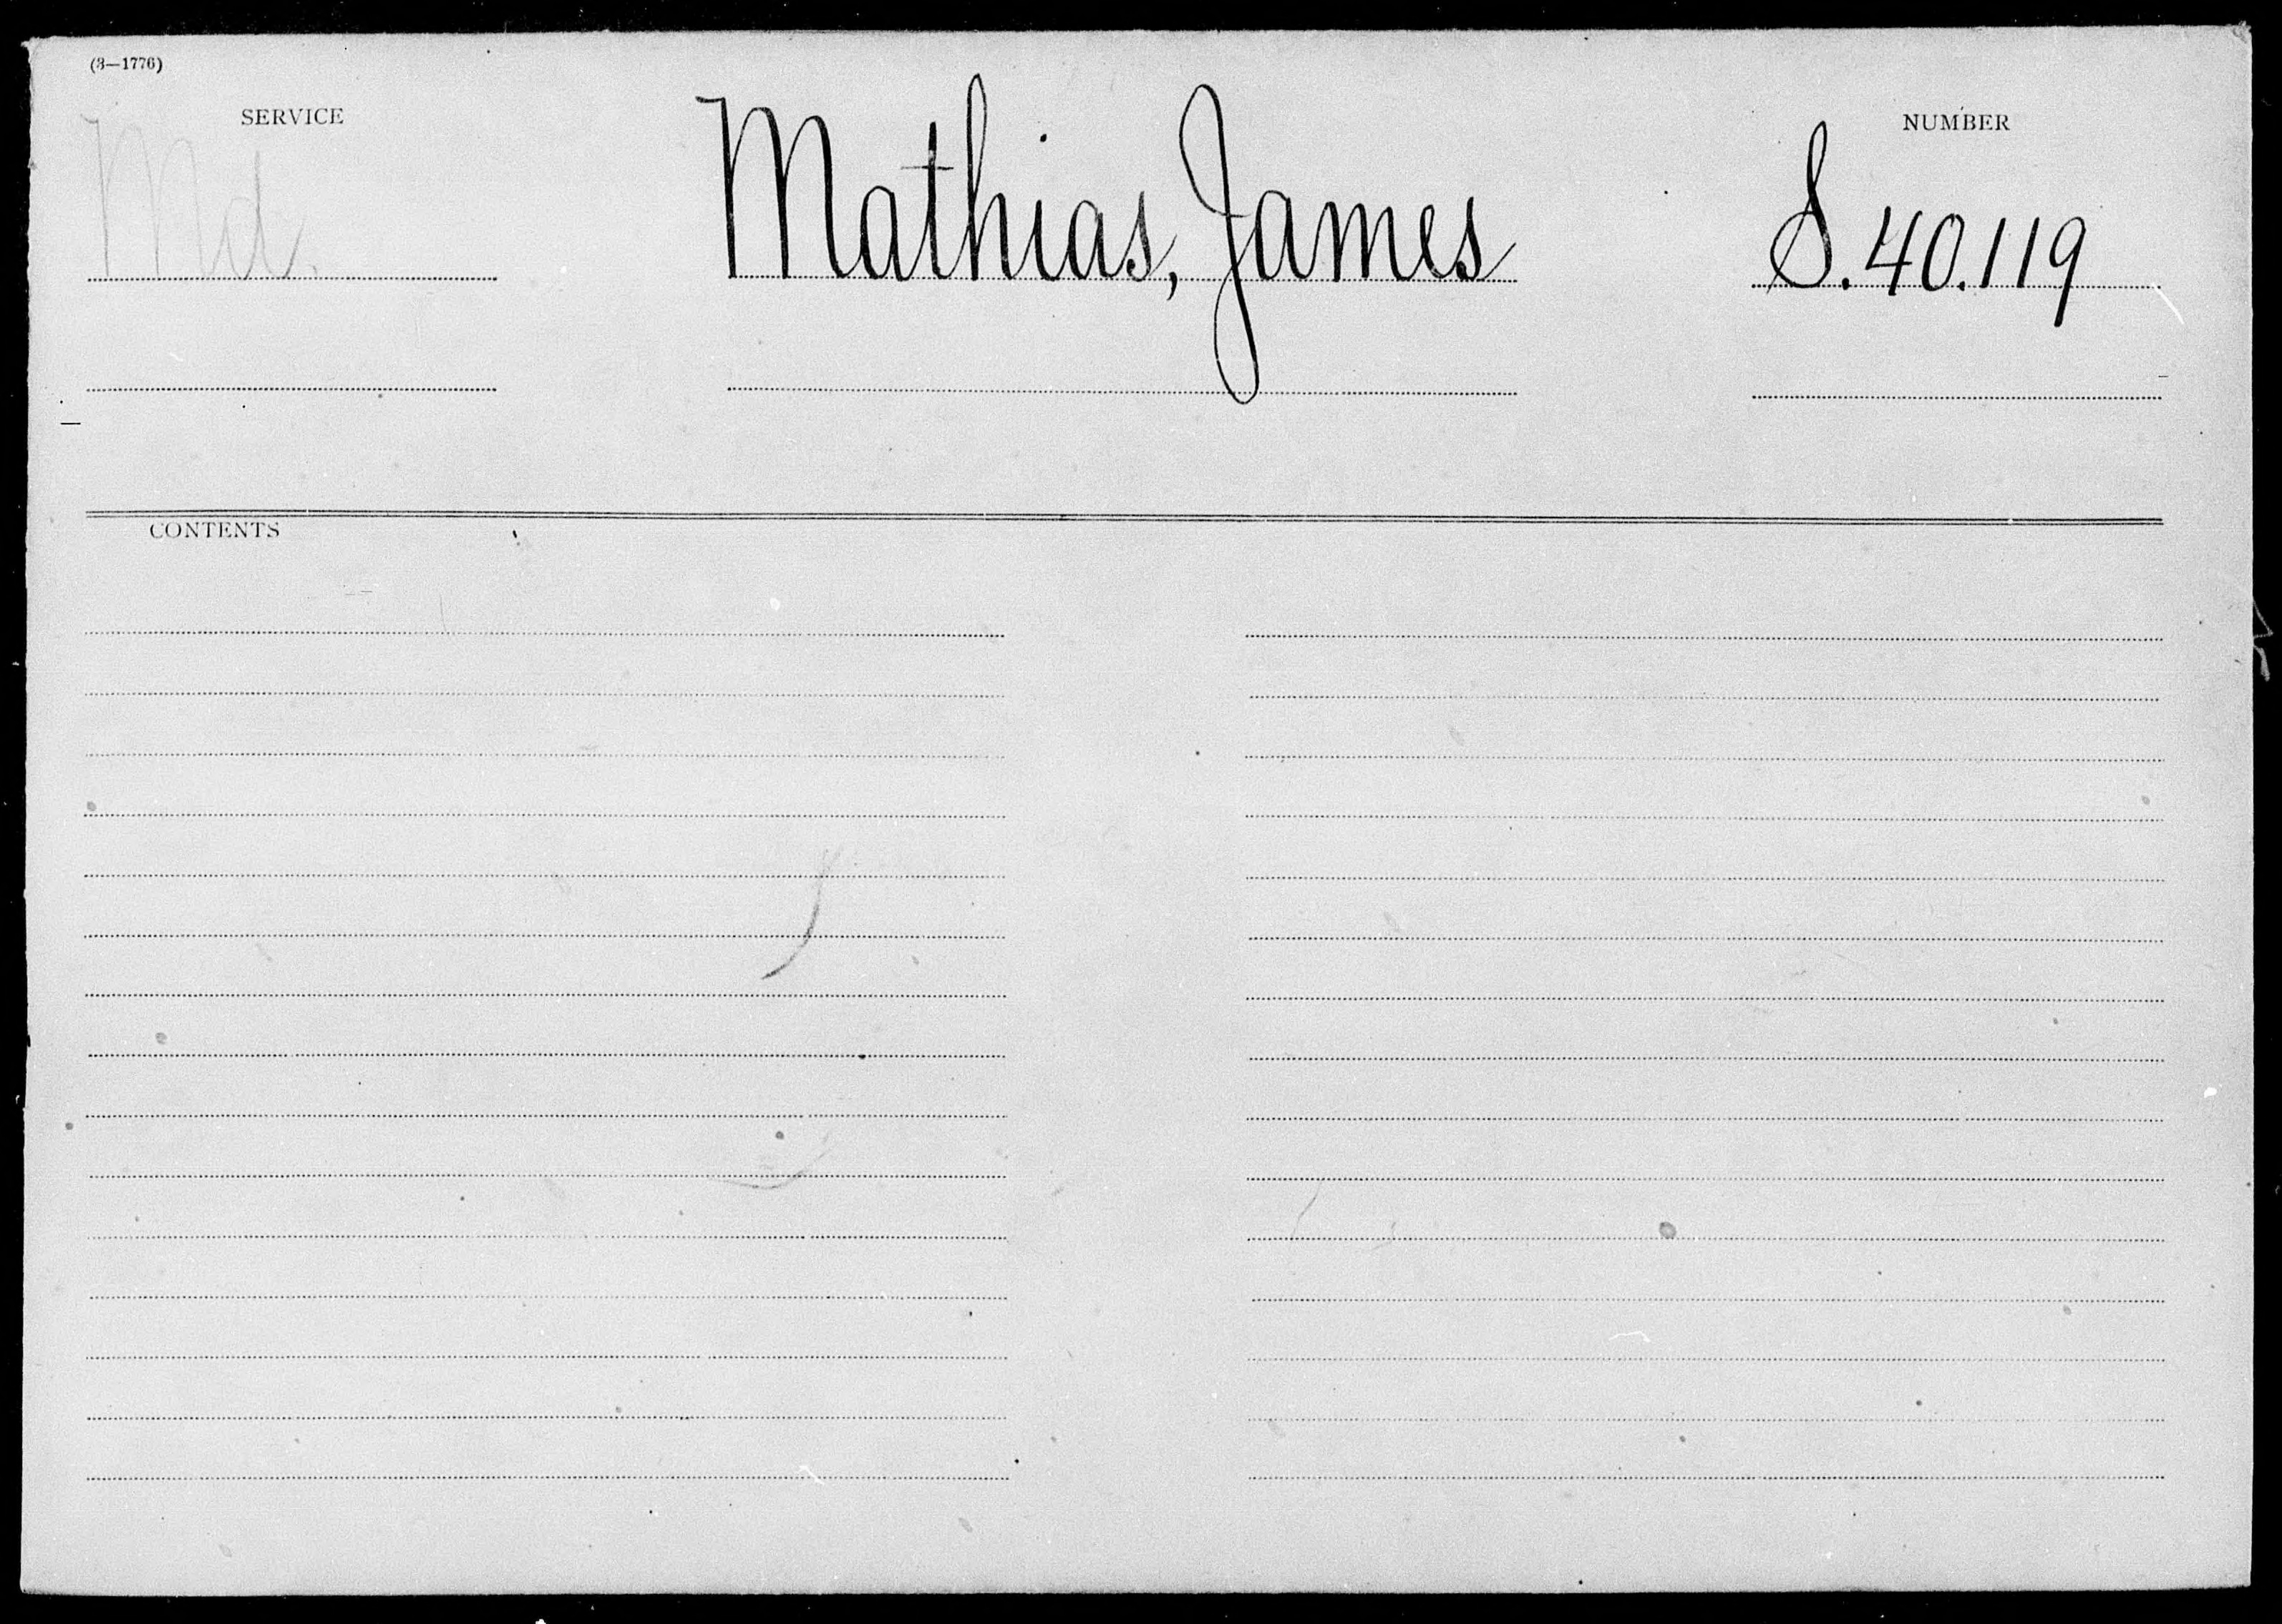SERVICE    ....  Md	

  NUMBER ... S.40119

Mathias,  James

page: 1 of 20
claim: survivor's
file: S. 40,119, for James Mathias, Maryland